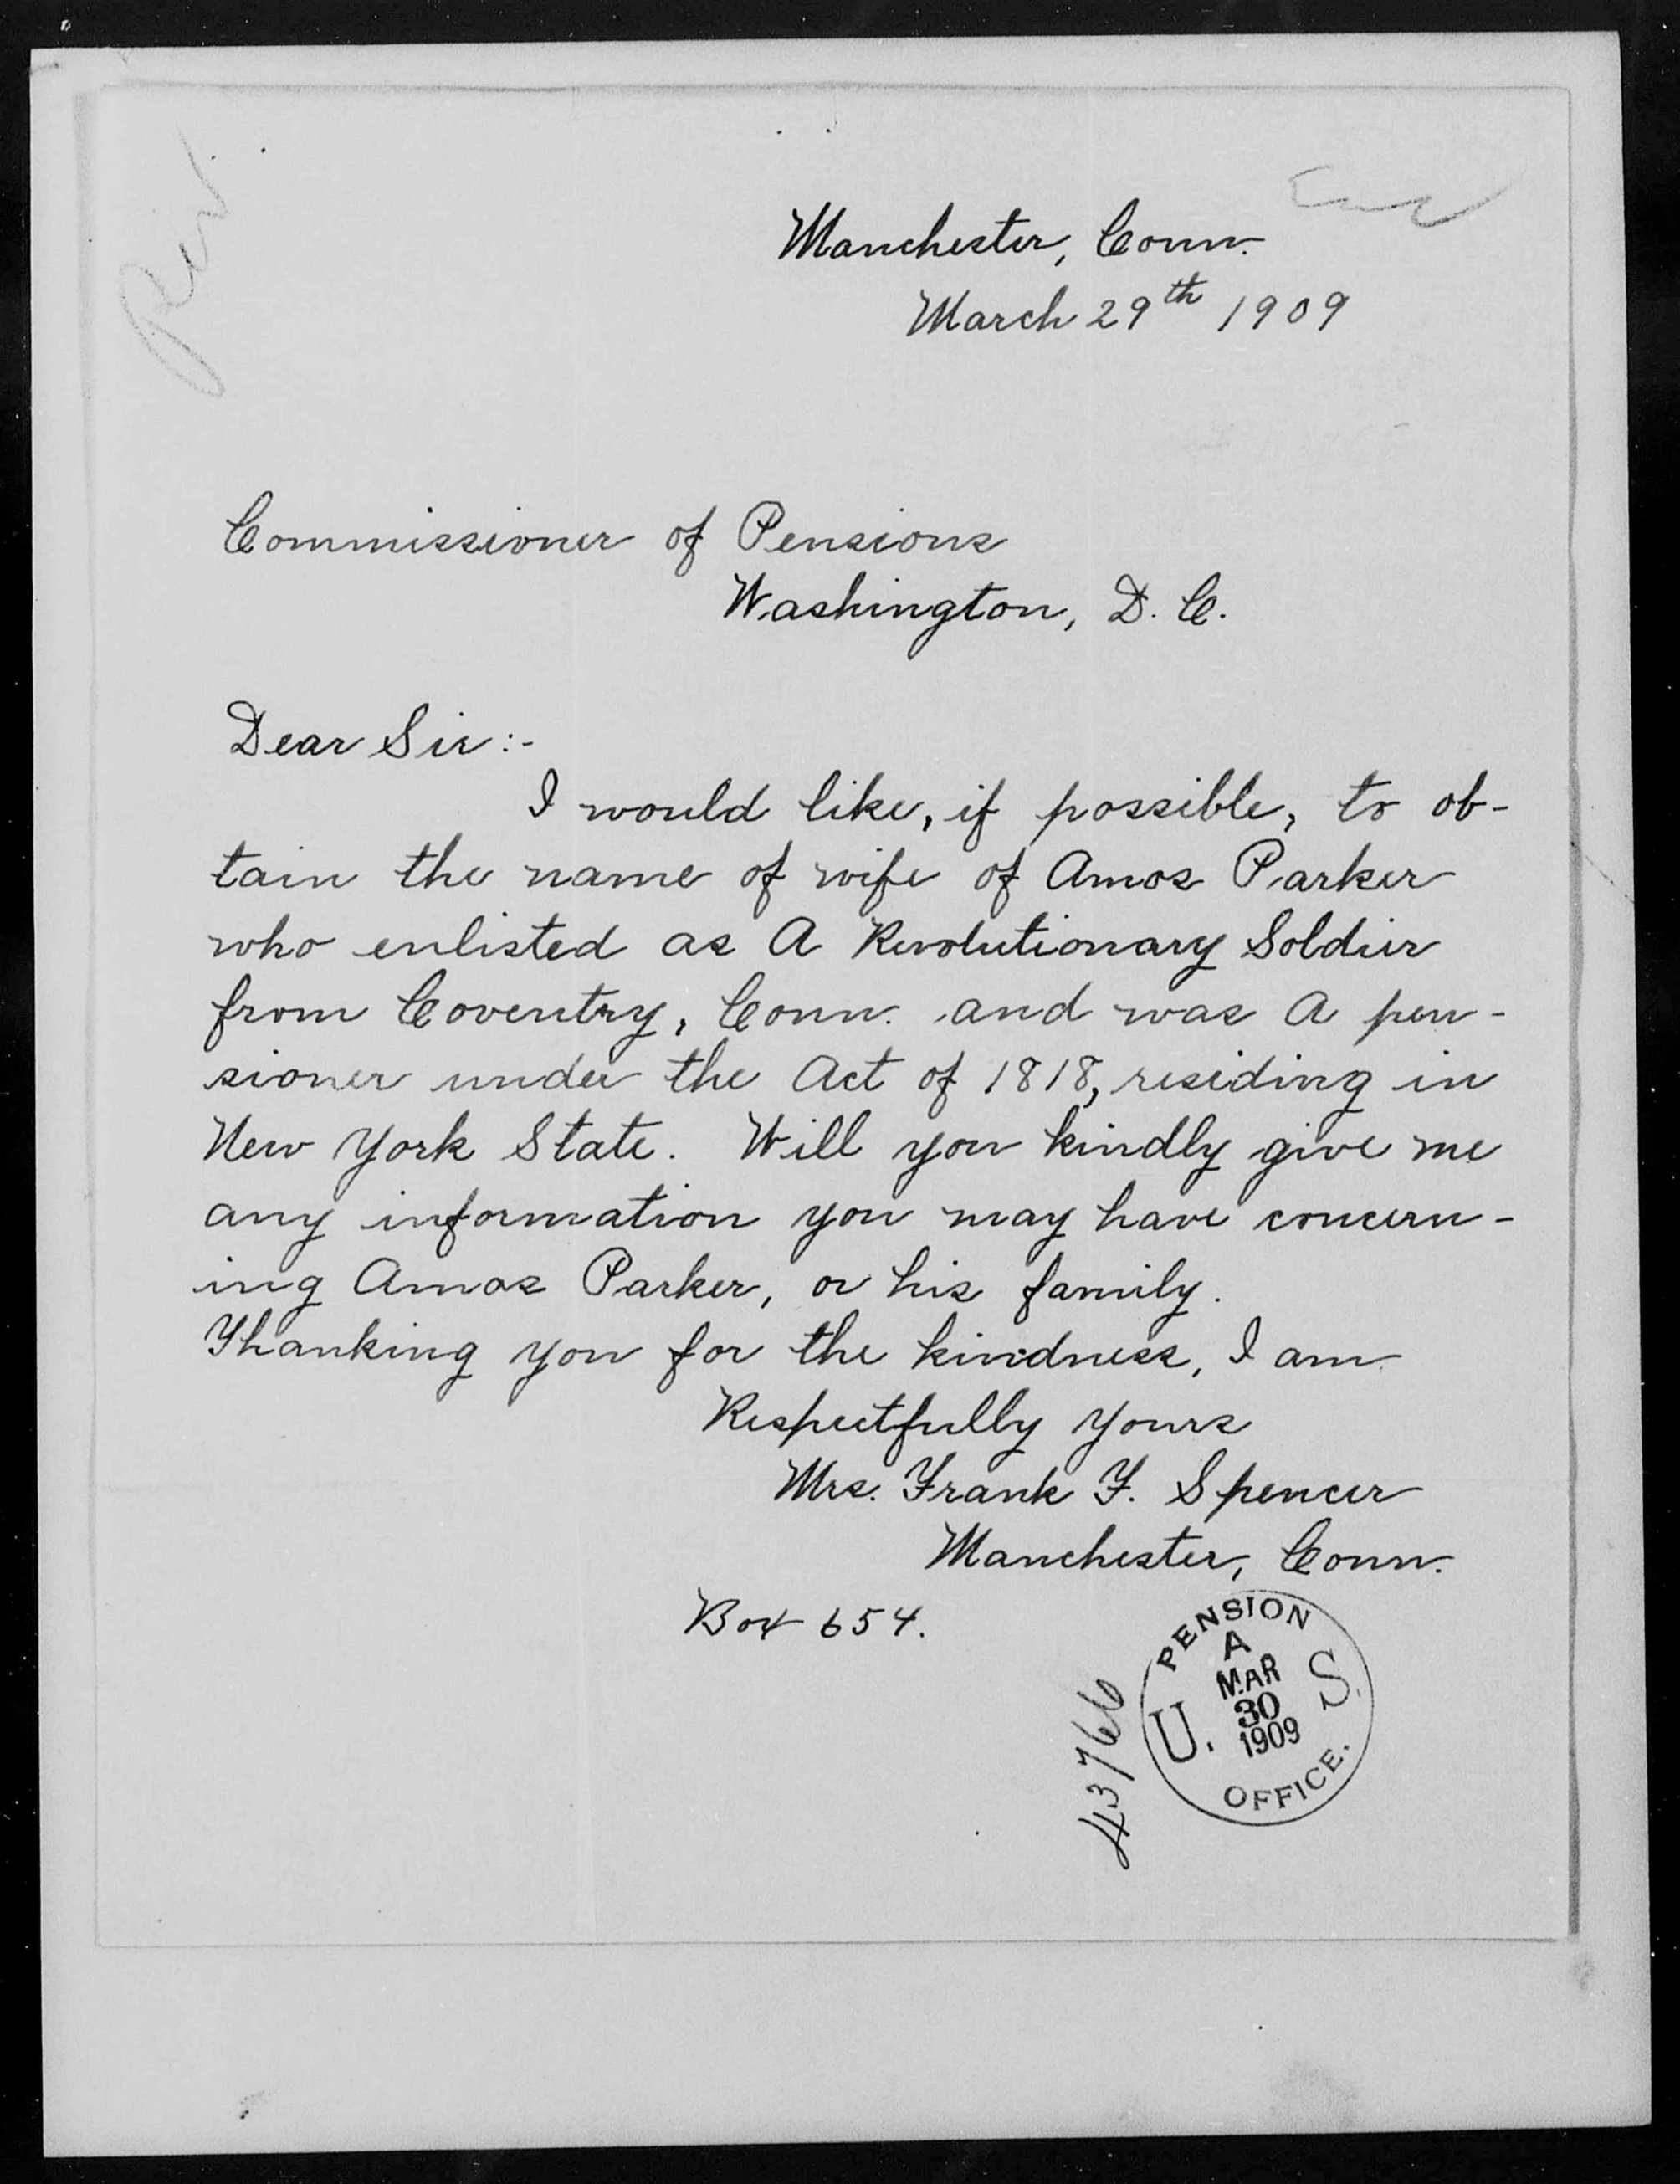Manchester Coun
March 29th 1909
Commissioner of Pensions
Washington, D.C.
Dear Sir:
I would like, if possible, to obtain
the name of wife of Amos Parker
who enlisted as a Revolutionary Soldier
from Coventry, Conn. and was a pensioner
under the Act of 1818, residing in
New York State. Will you kindly give me
any information you may have concerning
Amos Parker, or his family
Thanking you for the kindness, I am
Respectfully yours
Mrs. Frank F. Spencer
Box 654
Manchester Conn.
Box 654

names: Frank F Spencer; Amos Parker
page: 28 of 31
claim: survivor's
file: S. 43766, for Amos Parker, Connecticut